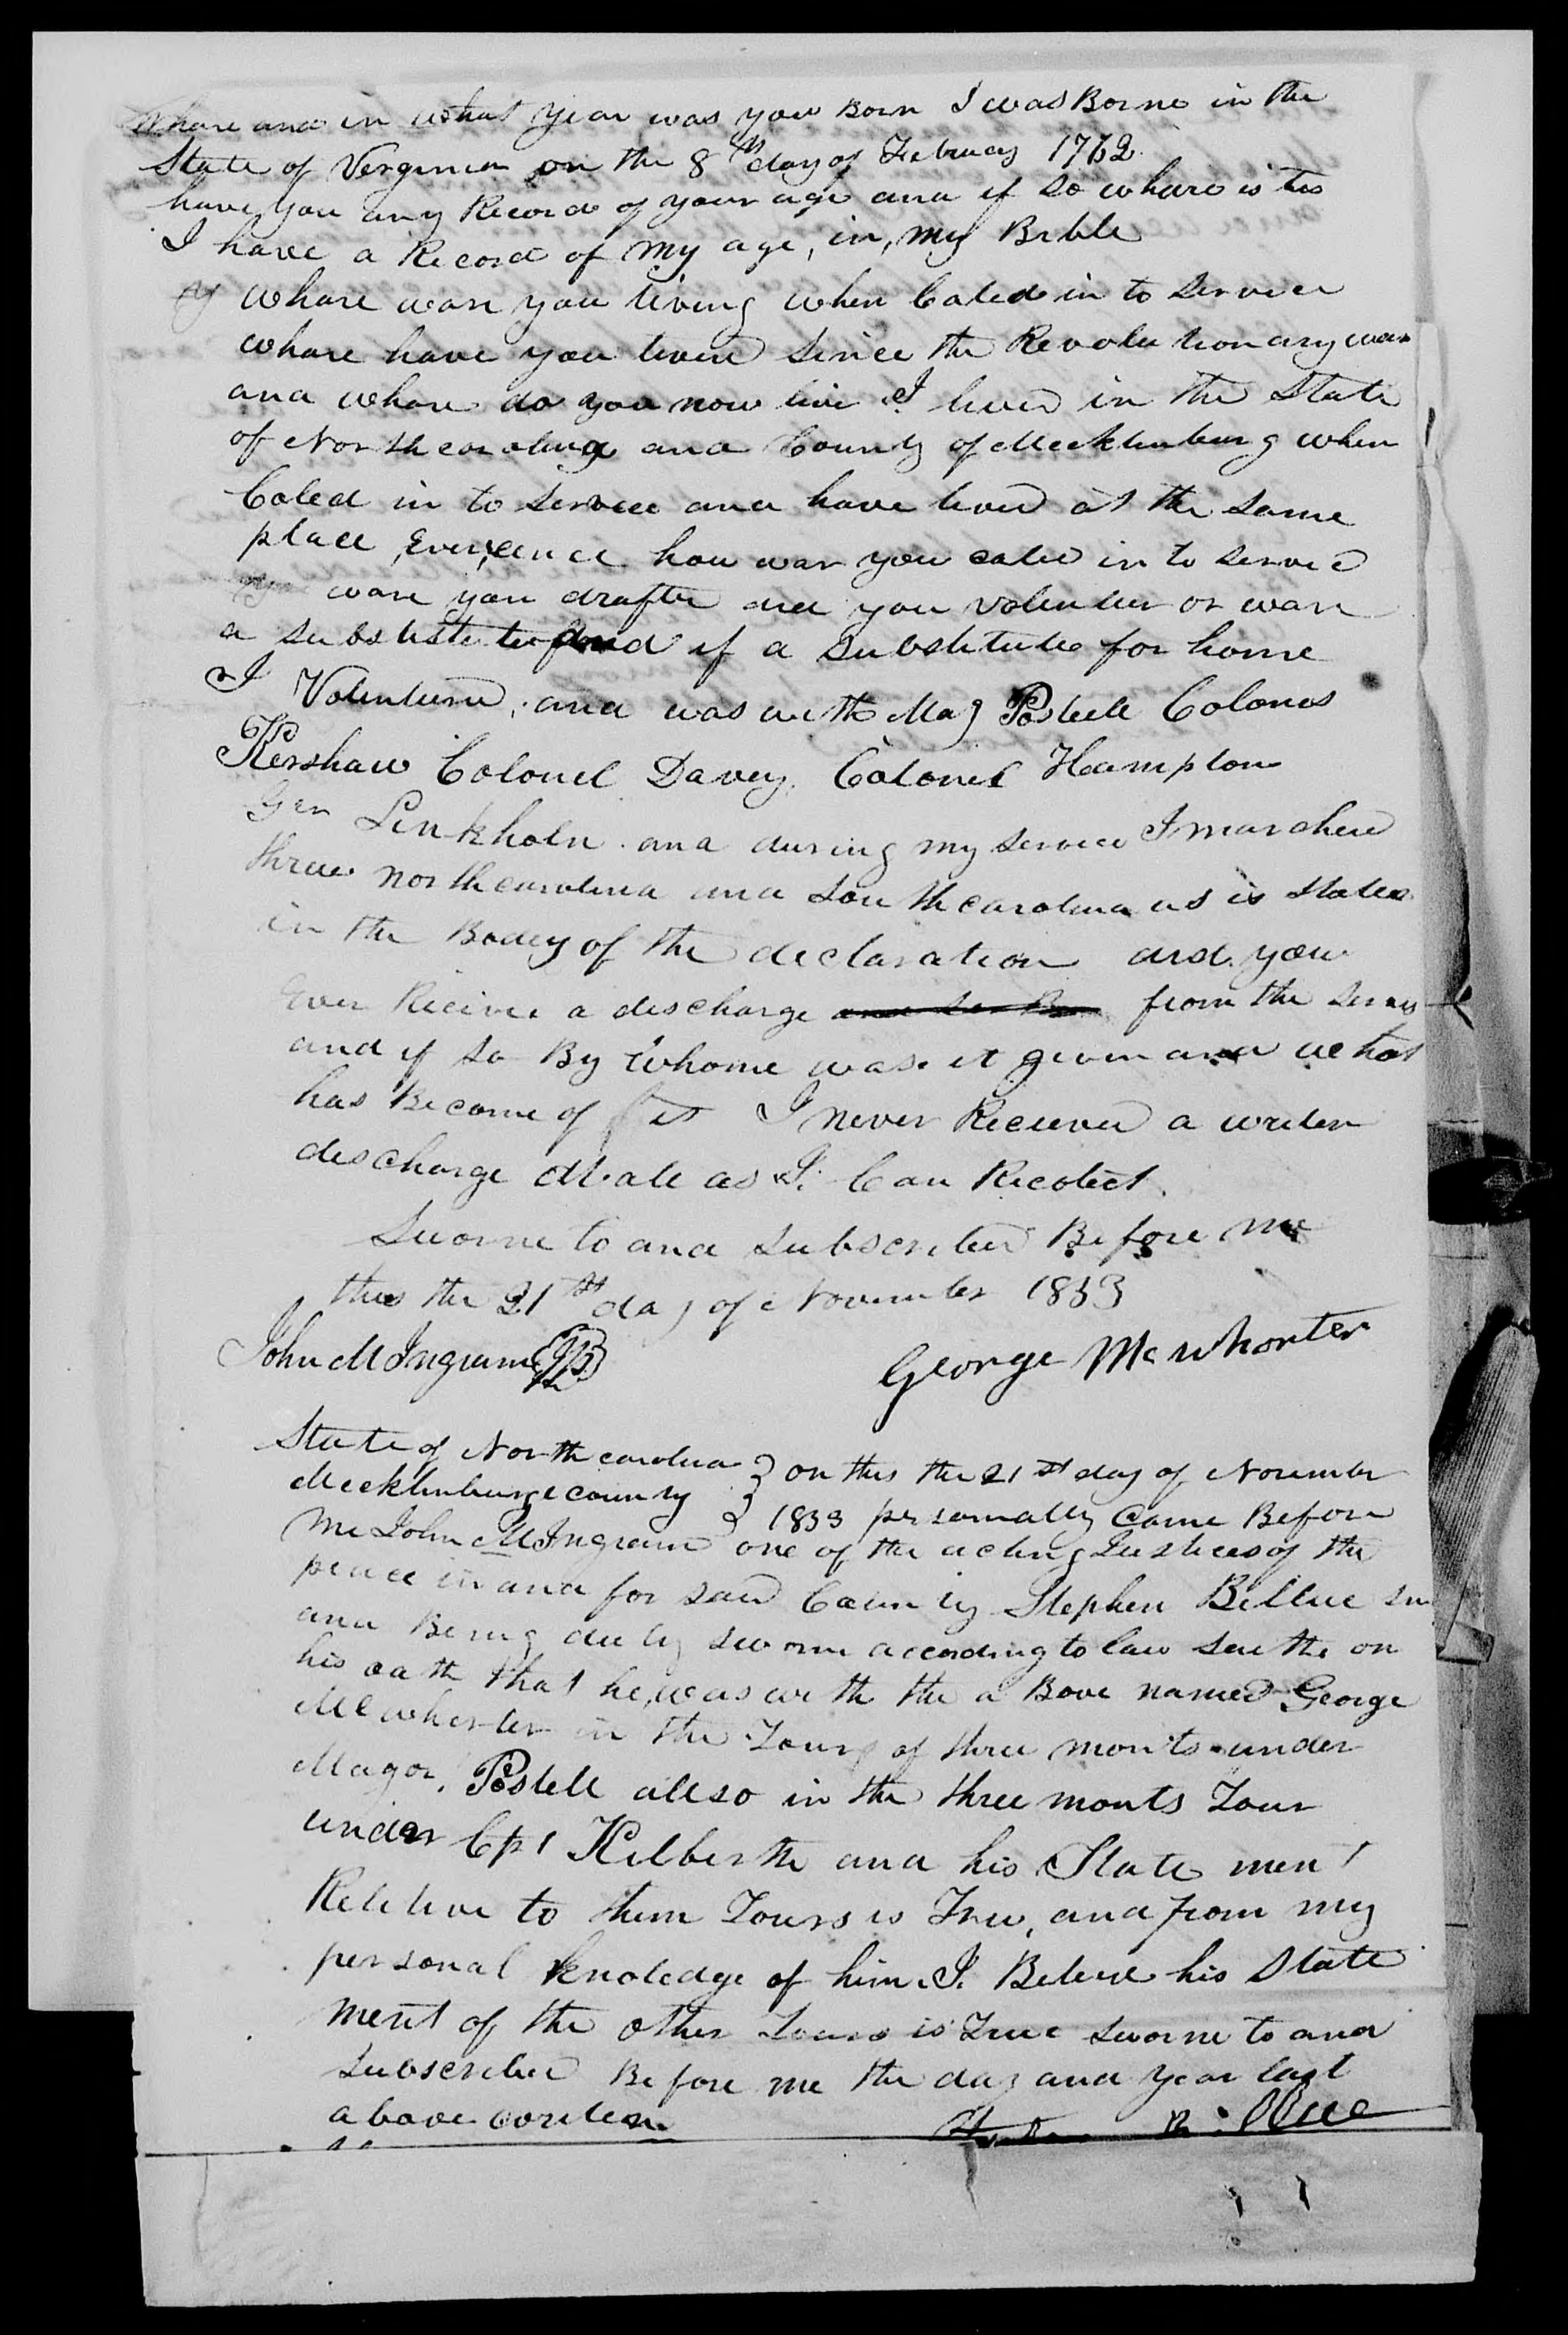Where and in what year was you born ? I was born in the State of Virginia on the 8th day of February 1762. Have you any record of your  age and if so where is it ? I have a record of my age , in , my Bible. Where was you  living when called into the service , where have you lived since the Revolutionary War and where do you now live ? I lived in the State of North Carolina and  County of Mecklenburg when called into service and have lived at at the same  place ever since. How was you called into the service , were you drafted , did you volunteer or was a substitute  - if a substitute for whom ? I volunteered and was with Maj Postell Colonel Kershaw, Colonel Davey, Colonel Hampton, Gen Lincoln and during my service I marched through North Carolina and South Carolina as is stated in the body of the declaration. Did you ever receive a discharge from the service and if so by whom was it given ? I never received a written discharge about as I can recollect. Sworn to and subscribed before me this 31st day of December 1833.  George McWhorter ( signed )  John M. Ingram ( signed ) JP                                [ State of North Carolina Mecklenburg County ] On this the 21st day of November 1833 personally came before me John M Ingram one of the acting Justices of the peace in and for said County  Stephen Bellue and being duly sworn according to law  say that on his oath that he was with the above named George McWhorter  in the tour of three months  under Major Postell also in the three months tour under Capt Kilbreth and his Statement relative to their tours true, and from my personal knowledge of him, I believe his statement of the other tours is true. Sworn to and subscribed before me the day and year last above written.  Stephen Bellue ( signed but partial signature ) ( Ingram's  signature not on page )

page: 12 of 35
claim: survivor's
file: S. 9,011, for George Mc Whorter, North Carolina